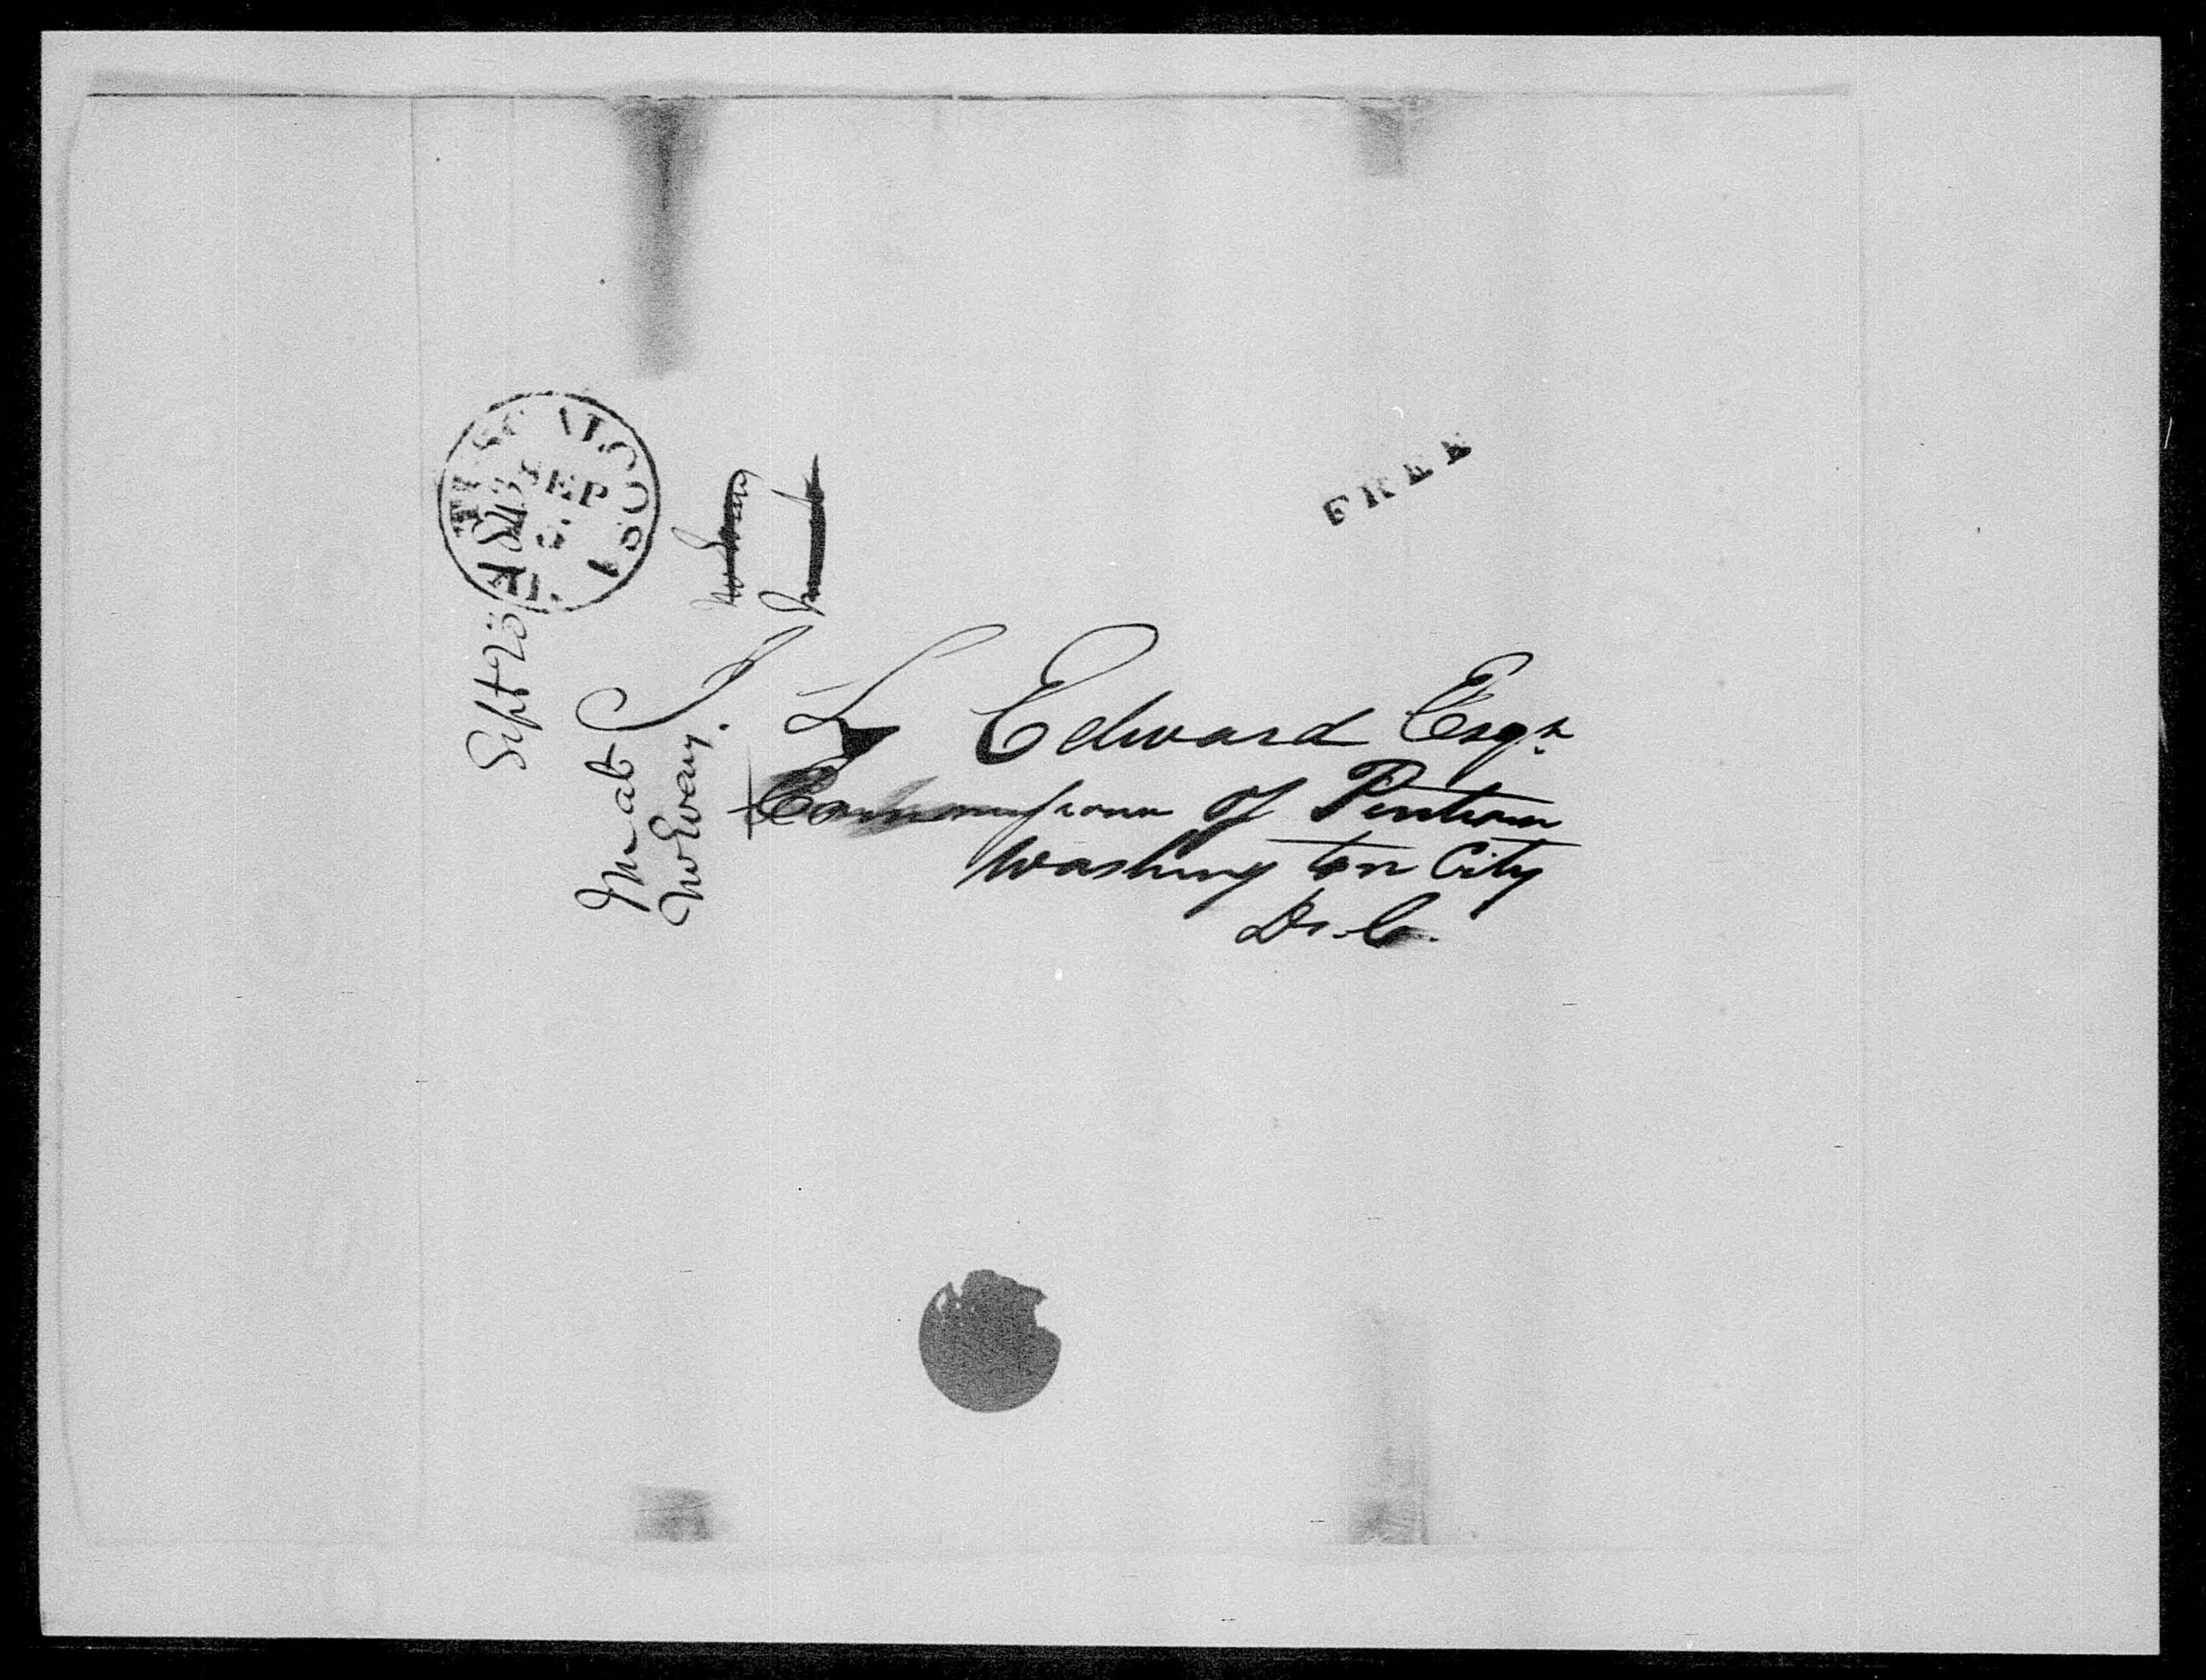[Stamped, round TUSCALOOSA SEP 5 AL]
J. L. Edwards
Commissioner of Pension
Washington City D.C.

Sept 23
[illegible] at No Every.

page: 23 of 45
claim: survivor's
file: S. 13,890, for James Mc Carter, South Carolina